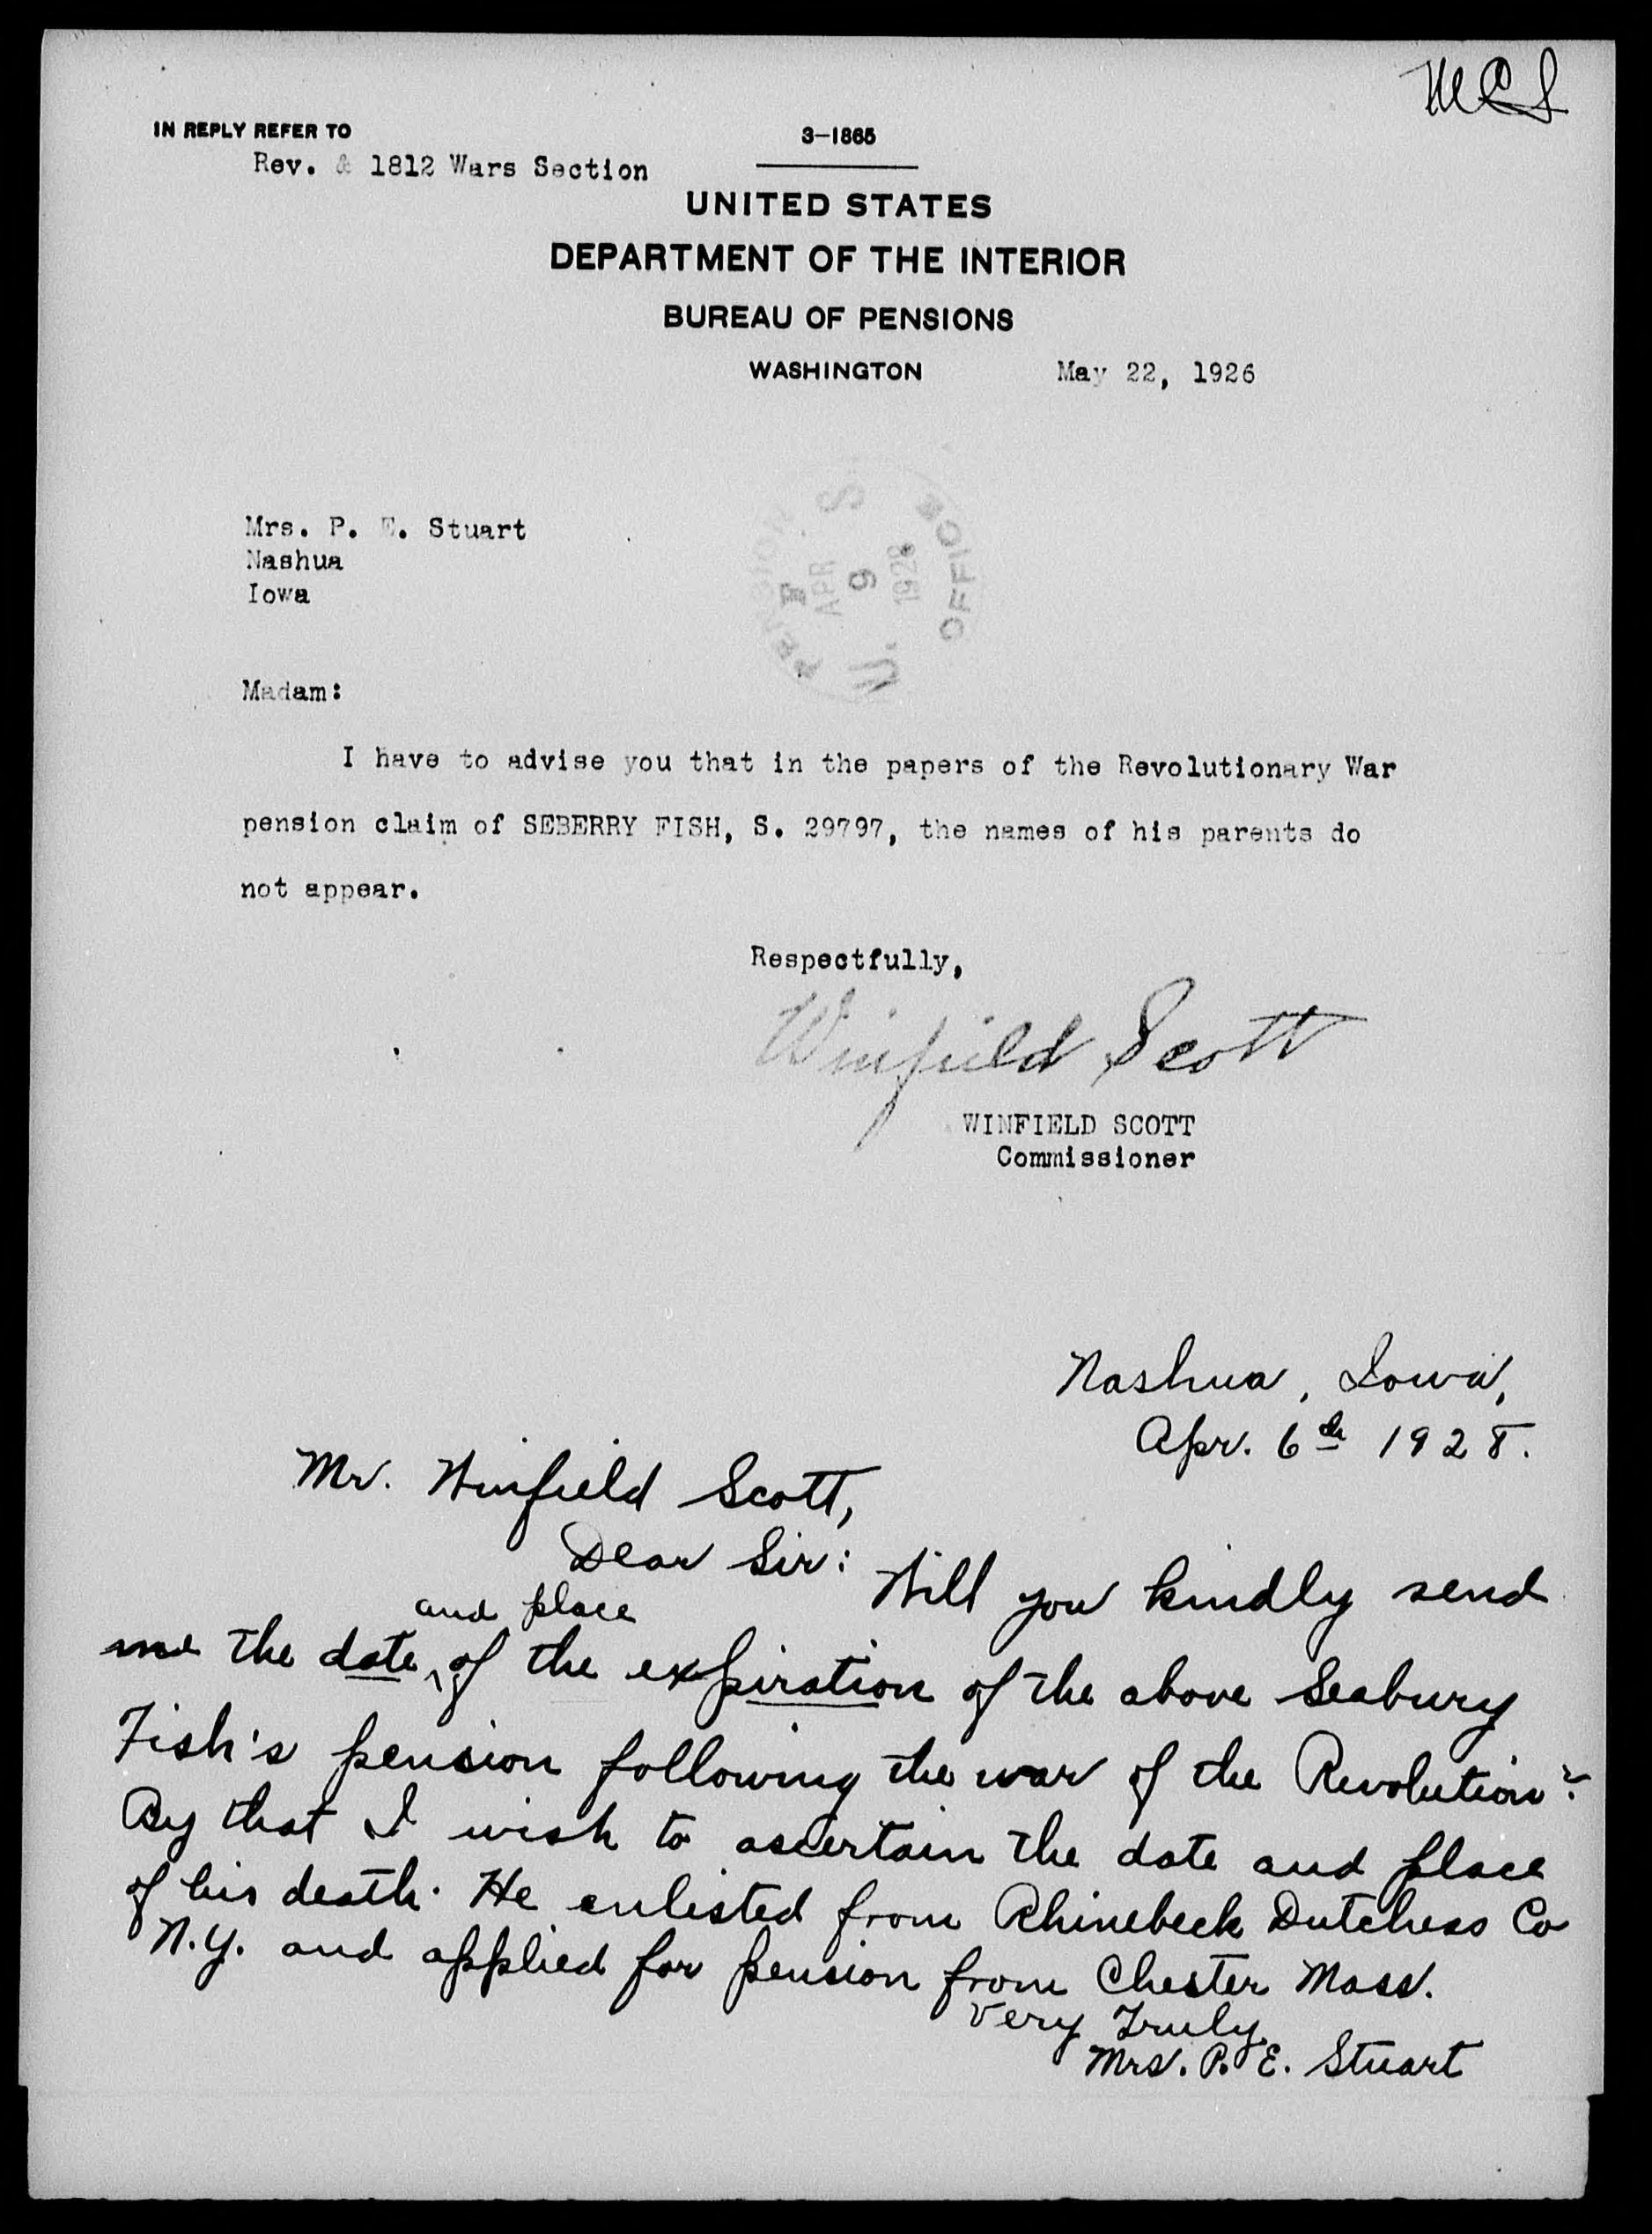[Document with printed letterhead, typed letter, a printed date stamp impression, and a handwritten preliminary inquiry letter at the bottom of the page.]

[Handwritten initials in the top right hand corner of the page, appear to read:]  WCS [or MCS]

[Printed letterhead]

IN REPLY REFER TO 
[Typed:]  Rev. & 1812 Wars Section

[Printed letterhead:]
3-1865
______________________________
UNITED STATES
DEPARTMENT OF THE INTERIOR
BUREAU OF PENSIONS
WASHINGTON

[Typed letter begins:]
May 22, 1926

Mrs. P. E. Stuart
Nashua
Iowa

[To the right, in upper middle portion of the page, there is a round date stamp impression:  
U.S. PENSION OFFICE
F [or "E"] APR 9 
[Here the last digit in the following year was smudged, but it appears to have been an "8":] 1928 

[Typed letter resumes:]
Madam:
I have to advise you that in the papers of the Revolutionary War pension claim of SEBERRY FISH, S. 29797, the names of his parents do not appear.

Respectfully, 
[Signature] Winfield Scott
[Typed:]  WINFIELD SCOTT
Commissioner

[Handwritten letter begins below:]
Nashua, Iowa
Apr. 6th 1928.

Mr. Winfield Scott,
Dear Sir:  Will you kindly send me the [here the next word is underlined:] date ^ and place of the [here the following word is partially underlined] expiration of the above Seabury Fish's pension following the war of the Revolution?  By that I wish to ascertain the date and place of his death.  He enlisted from Rhinebeck Dutchess Co N.Y. and applied for pension from Chester Mass.
Very Truly,
Mrs. P. E. Stuart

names: Winfield Scott, P E Stuart, P E Stuart, Winfield Scott, Seberry Fish, Seabury Fish, Winfield Scott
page: 23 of 26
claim: survivor's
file: S. 29797, Seberry Fish, New York